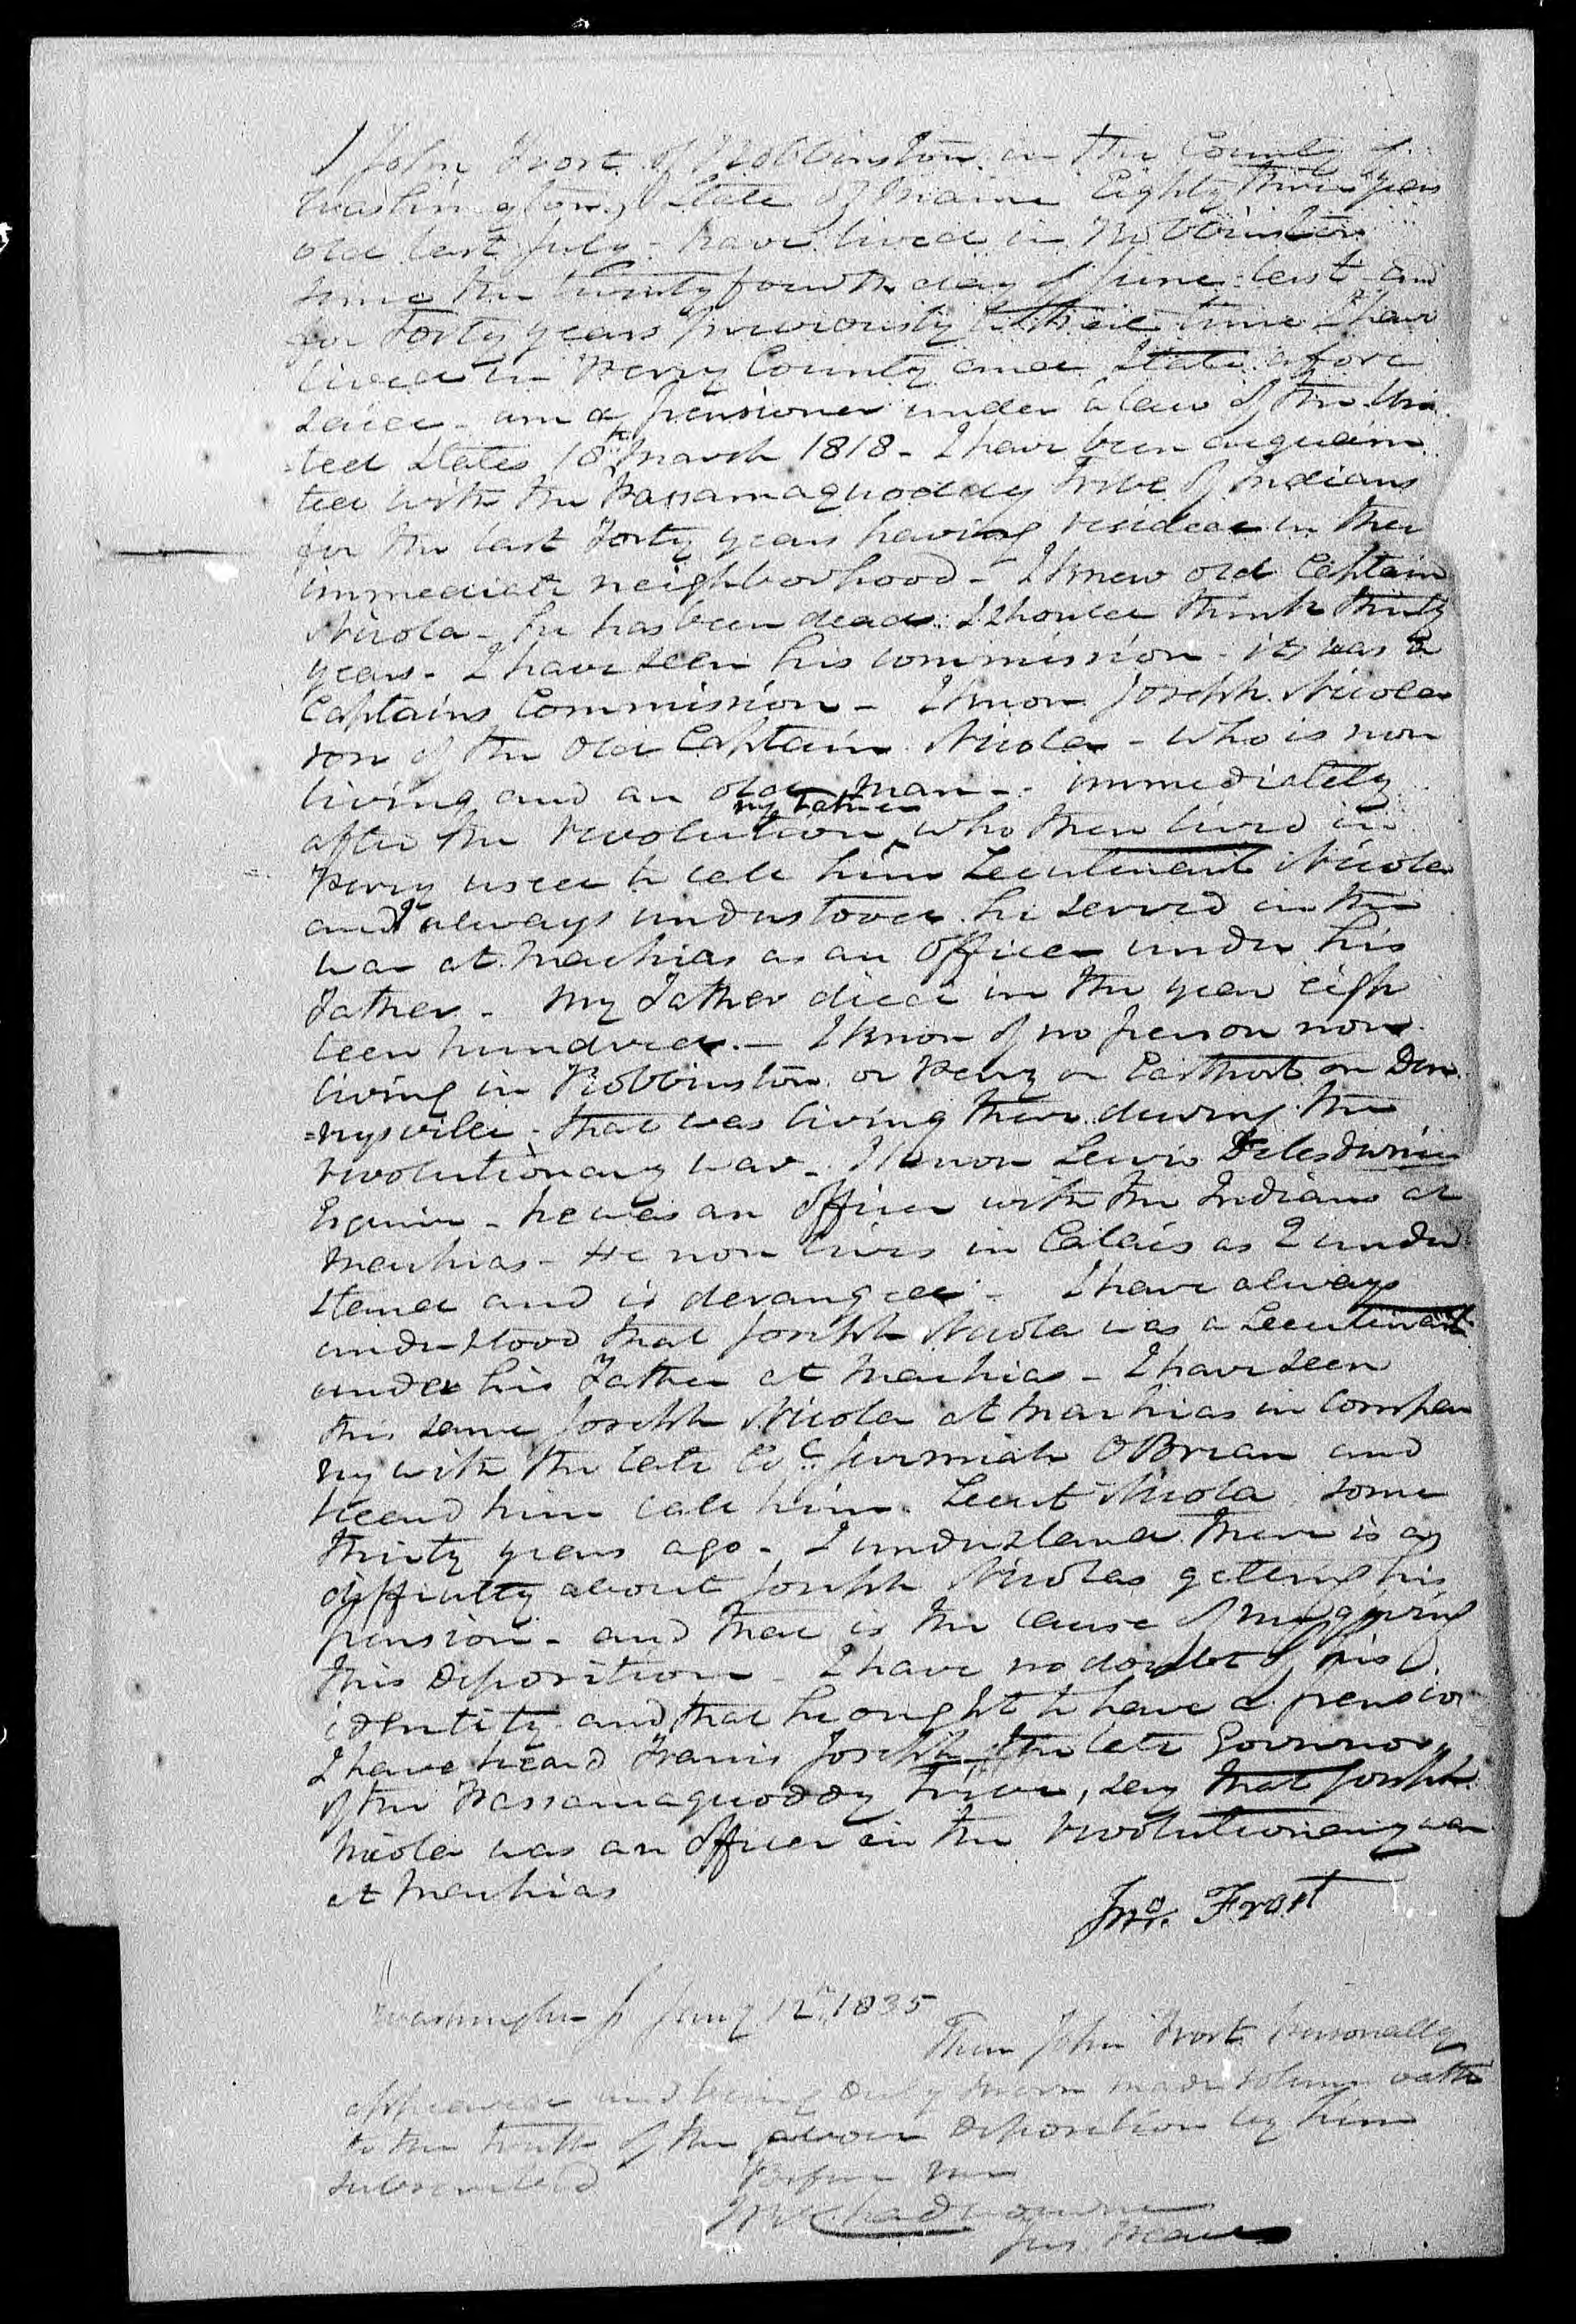in the country of 
Washington I ...of ... eighty
... July. - have lived in ...
... the thirty fourth day of June lent 
Forty years ... with eve time than
lived the Merry ... and state afore
... am of ... under a law of ...
... states 10th ... 1818. I have been 
... with the ...
forty year burial 
in meantime neighborhood
... he has been dead... thinks thinks
years. I have ... his 
Captains. 
... Captain ... who is 
living and an ... immediately
after the revolution who then lived in
... him lieutenant...
and always ...
was at ... as an office under his
father. My dather died in the year eight
teen hundred. -  know of no ...
living in ... or being 
...- that was living their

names: Nicola, J B Chadbourn, Joseph Nicolas, Joseph Nicola, Joseph Nicola, John Frost, Jno Frost, John Frost, Jeremiah O Brian, Franis Joseph, Nicola, Nicola, Nicola, Joseph Nicola, Joseph Nicola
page: 50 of 52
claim: survivor's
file: S 17997, Nicholas Hawwawas, Mass.